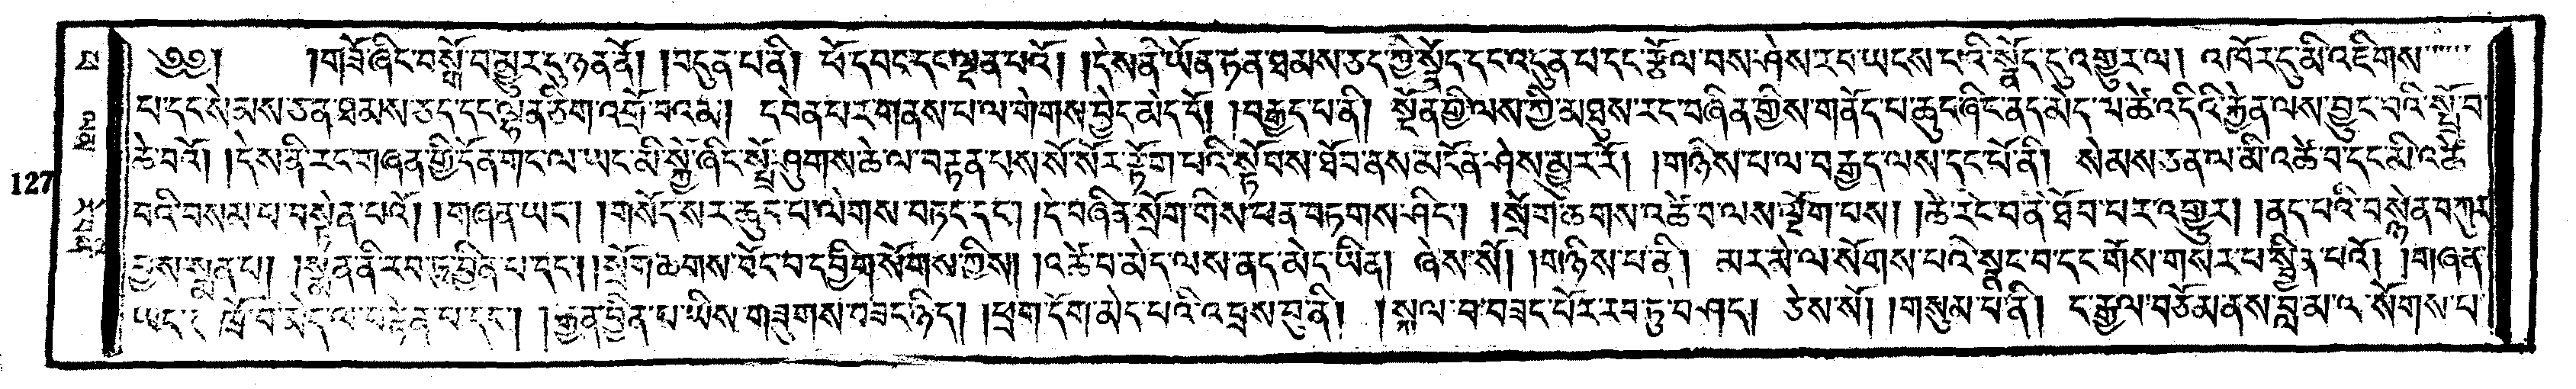༄༅། །གཟོ་ཞིང་བསྒོ་བ་མྱུར་དུ་ཉན་ནོ། །བདུན་པ་ནི། ཕོ་དབང་དང་ལྡན་པའོ། །དེས་ནི་ཡོན་ཏན་ཐམས་ཅད་ཀྱི་སྣོད་དང་འདུན་པ་དང་རྩོལ་བས་ཤེས་རབ་ཡངས་པའི་སྣོད་དུ་འགྱུར་ལ། འཁོར་དུ་མི་འཇིགས་
པ་དང་སེམས་ཅན་ཐམས་ཅད་དང་ལྷན་ཅིག་འགྲོ་བའམ། དབེན་པར་གནས་པ་ལ་གེགས་བྱེད་མེད་དོ། །བརྒྱད་པ་ནི། སྔོན་གྱི་ལས་ཀྱི་མཐུས་རང་བཞིན་གྱིས་གནོད་པ་ཆུང་ཞིང་ནད་མེད་ལ་ཚེ་འདིའི་རྐྱེན་ལས་བྱུང་བའི་སྤྲོ་བ་
ཆེ་བའོ། །དེས་ནི་རང་གཞན་གྱི་དོན་གང་ལ་ཡང་མི་སྐྱོ་ཞིང་སྤྲོ་ཤུགས་ཆེ་ལ་བརྟན་པས་སོ་སོར་རྟོག་པའི་སྟོབས་ཐོབ་ནས་མངོན་ཤེས་མྱུར་རོ། །གཉིས་པ་ལ་བརྒྱད་ལས་དང་པོ་ནི། སེམས་ཅན་ལ་མི་འཚེ་བ་དང་མི་འཚོ་
བའི་བསམ་པ་བསྟེན་པའོ། །གཞན་ཡང་། །གསོད་སར་ཆུང་བ་ལེགས་བཏང་དང་། །དེ་བཞིན་སྲོག་གིས་ཕན་བཏགས་ཤིང་། །སྲོག་ཆགས་འཚེ་བ་ལས་ལྡོག་པས། །ཚེ་རིང་བ་ནི་ཐོབ་པར་འགྱུར། །ནད་པའི་བསྙེན་བཀུར་
བྱས་སྨན་པ། །སྨན་ནི་རབ་ཏུ་བྱིན་པ་དང་། །སྲོག་ཆགས་བོད་བ་དབྱིག་སོགས་ཀྱིས། །འཚོ་བ་མེད་ལས་ནད་མེད་ཡིན། ཞེས་སོ། །གཉིས་པ་ནི། མར་མེ་ལ་སོགས་པའི་སྣང་བ་དང་གོས་གསར་པ་སྦྱིན་པའོ། །གཞན་
ཡང༑ ཁྲོ་བ་མེད་ལ་བརྟེན་པ་དང་། རྒྱན་བྱིན་པ་ཡིས་གཟུགས་བཟང་ཉིད། །ཕྲག་དོག་མེད་པའི་འབྲས་བུ་ནི། །སྐལ་བ་བཟང་པོར་རབ་ཏུ་བཤད། ཅེས་སོ། །གསུམ་པ་ནི། ང་རྒྱལ་བཅོམ་ནས་བླ་མ་ལ་སོགས་པ་